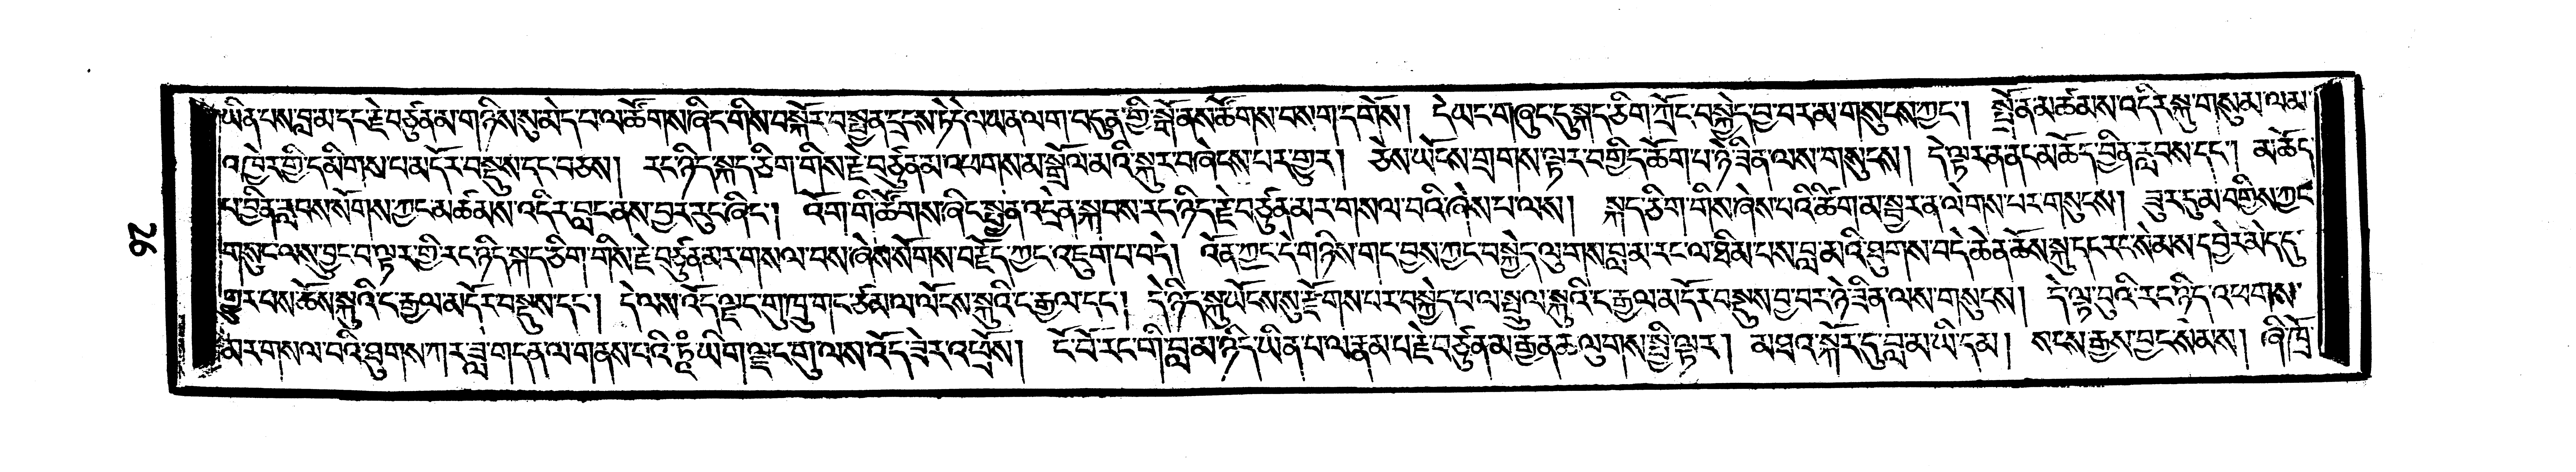ཡིན་པས་བླ་མ་དང་རྗེ་བཙུན་མ་གཉིས་སུ་མེད་པ་ལ་ཚོགས་ཞིང་གིས་བསྐོར་བ་སྦྱན་དྲངས་ཏེ་དེ་ལ་ཡན་ལག་བདུན་གྱི་སྒོ་ནས་ཚོགས་བསག་དགོས། དེ་ཡང་གཞུང་དུ་སྐད་ཅིག་ཀྲོང་བསྐྱེད་བྱ་བར་མ་གསུངས་ཀྱང་། སྤྲོ་ན་མཚམས་འདིར་སྐུ་གསུམ་ལམ་
འཁྱེར་གྱི་དམིགས་པ་མདོར་བསྡུས་དང་བཅས། རང་ཉིད་སྐད་ཅིག་གིས་རྗེ་བཙུན་མ་འཕགས་མ་སྒྲོལ་མའི་སྐུར་བཞེངས་པར་གྱུར། ཅེས་ཡོངས་གྲགས་ལྟར་བགྱིད་ཆོག་པ་ཉེ་ཟིན་ལས་གསུངས། དེ་ལྟར་ན་ནང་མཆོད་བྱིན་རླབས་དང་། མཆོད་
པ་བྱིན་རླབས་སོགས་ཀྱང་མཚམས་འདིར་བླངས་ནས་བྱར་རུང་ཞིང་། འོག་གི་ཚོགས་ཞིང་སྤྱན་འདྲེན་སྐབས་རང་ཉིད་རྗེ་བཙུན་མར་གསལ་བའི་ཞེས་པ་ལས། སྐད་ཅིག་གིས་ཞེས་པའི་ཚིག་མ་སྦྱར་ན་ལེགས་པར་གསུངས། ཟུར་དུ་མ་བགྱིས་ཀྱང་
གསུང་ལས་བྱུང་བ་ལྟར་གྱི་རང་ཉིད་སྐད་ཅིག་གིས་རྗེ་བཙུན་མར་གསལ་བས་ཞེས་སོགས་བརྗོད་ཀྱང་འཇུག་པ་བདེ། འོན་ཀྱང་དེ་གཉིས་གང་བྱས་ཀྱང་བསྐྱེད་ལུགས་བླ་མ་རང་ལ་ཐིམ་པས་བླ་མའི་ཐུགས་བདེ་ཆེན་ཆོས་སྐུ་དང་རང་སེམས་དབྱར་མེད་དུ་
གྱུར་བས་ཆོས་སྐུའི་ང་རྒྱལ་མདོར་བསྡུས་དང་། དེ་ལས་འོད་ལྗང་གུ་ཁྲུ་གང་ཅམ་ལ་ལོངས་སྐུའི་ང་རྒྱལ་དང་། དེ་ཉིད་སྐུ་ཡོངས་སུ་རྫོགས་པར་བསྐྱེད་པ་ལ་སྤྲུལ་སྐུའི་ང་རྒྱལ་མདོར་བསྡུས་བྱ་བར་ཉེ་ཟིན་ལས་གསུངས། དེ་ལྟ་བུའི་རང་ཉིད་འཕགས་
མར་གསལ་བའི་ཐུགས་ཀར་ཟླ་གདན་ལ་གནས་པའི་ཏཱཾ་ཡིག་ལྗང་གུ་ལས་འོད་ཟེར་འཕྲོས། ངོ་བོ་རང་གི་བླ་མ་ཉིད་ཡིན་པ་ལ་རྣམ་པ་རྗེ་བཙུན་མ་རྒྱན་ཆ་ལུགས་སྤྱི་ལྟར། མཐའ་སྐོར་དུ་བླ་མ་ཡི་དམ། སངས་རྒྱས་བྱང་སེམས། ཞི་ཁྲོ་